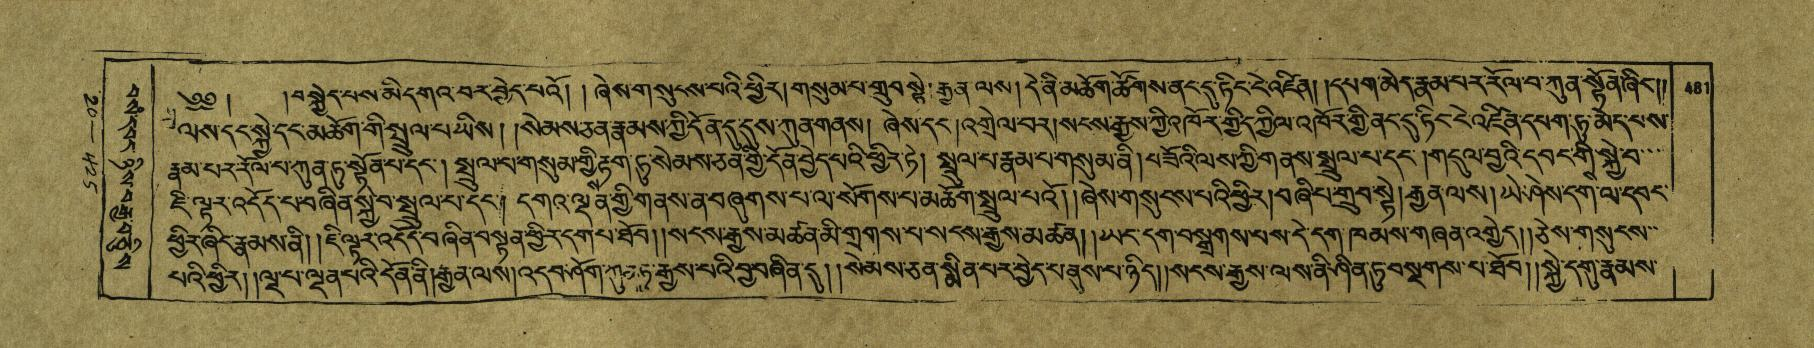༄༅། །བསྐྱེད་པས་མི་དགའ་བར་བྱེད་པའོ། །ཞེས་གསུངས་པའི་ཕྱིར། གསུམ་པ་གྲུབ་སྟེ། རྒྱན་ལས། དེ་ནི་མཆོག་ཚོགས་ནང་དུ་ཏིང་ངེ་འཛིན། །དཔག་མེད་རྣམ་པར་རོལ་བ་ཀུན་སྟོན་ཞིང།།
ལས་དང་སྐྱེ་དང་མཆོག་གི་སྤྲུལ་པ་ཡིས། །སེམས་ཅན་རྣམས་ཀྱི་དོན་དུ་དུས་ཀུན་གནས། ཞེས་དང་། འགྲེལ་བར། སངས་རྒྱས་ཀྱི་འཁོར་གྱི་དཀྱིལ་འཁོར་གྱི་ནང་དུ་ཏིང་ངེ་འཛིན་དཔག་ཏུ་མེད་པས་
རྣམ་པར་རོལ་པ་ཀུན་ཏུ་སྟོན་པ་དང་། སྤྲུལ་པ་གསུམ་གྱིས་རྟག་ཏུ་སེམས་ཅན་གྱི་དོན་བྱེད་པའི་ཕྱིར་ཏེ། སྤྲུལ་པ་རྣམ་པ་གསུམ་ནི། བཟོའི་ལས་ཀྱི་གནས་སྤྲུལ་པ་དང་། གདུལ་བྱའི་དབང་གིས་སྐྱེ་བ་
ཇི་ལྟར་འདོད་པ་བཞིན་སྐྱེ་བ་སྤྲུལ་པ་དང་། དགའ་ལྡན་གྱི་གནས་ན་བཞུགས་པ་ལ་སོགས་པ་མཆོག་སྤྲུལ་པའོ། །ཞེས་གསུངས་པའི་ཕྱིར། བཞི་པ་གྲུབ་སྟེ། རྒྱན་ལས། ཡེ་ཤེས་དག་ལ་དབང་
ཕྱིར་ཞིང་རྣམས་ནི། །ཇི་ལྟར་འདོད་བཞིན་བསྟན་ཕྱིར་དག་པ་ཐོབ། །སངས་རྒྱས་མཚན་མི་གྲགས་པ་སངས་རྒྱས་མཚན། །ཡང་དག་བསྒྲགས་པས་དེ་དག་ཁམས་གཞན་འགྱེད། །ཅེས་གསུངས་
པའི་ཕྱིར། །ལྔ་པ་ལྡན་པའི་དོན་ནི། རྒྱན་ལས། འདབ་ཤོག་ཀུན་ཏུ་རྒྱས་པའི་བྱ་བཞིན་དུ། །སེམས་ཅན་སྨིན་པར་བྱེད་པ་ནུས་པ་ཉིད། །སངས་རྒྱས་ལས་ནི་ཤིན་ཏུ་བསྔགས་པ་ཐོབ། །སྐྱེ་དགུ་རྣམས་